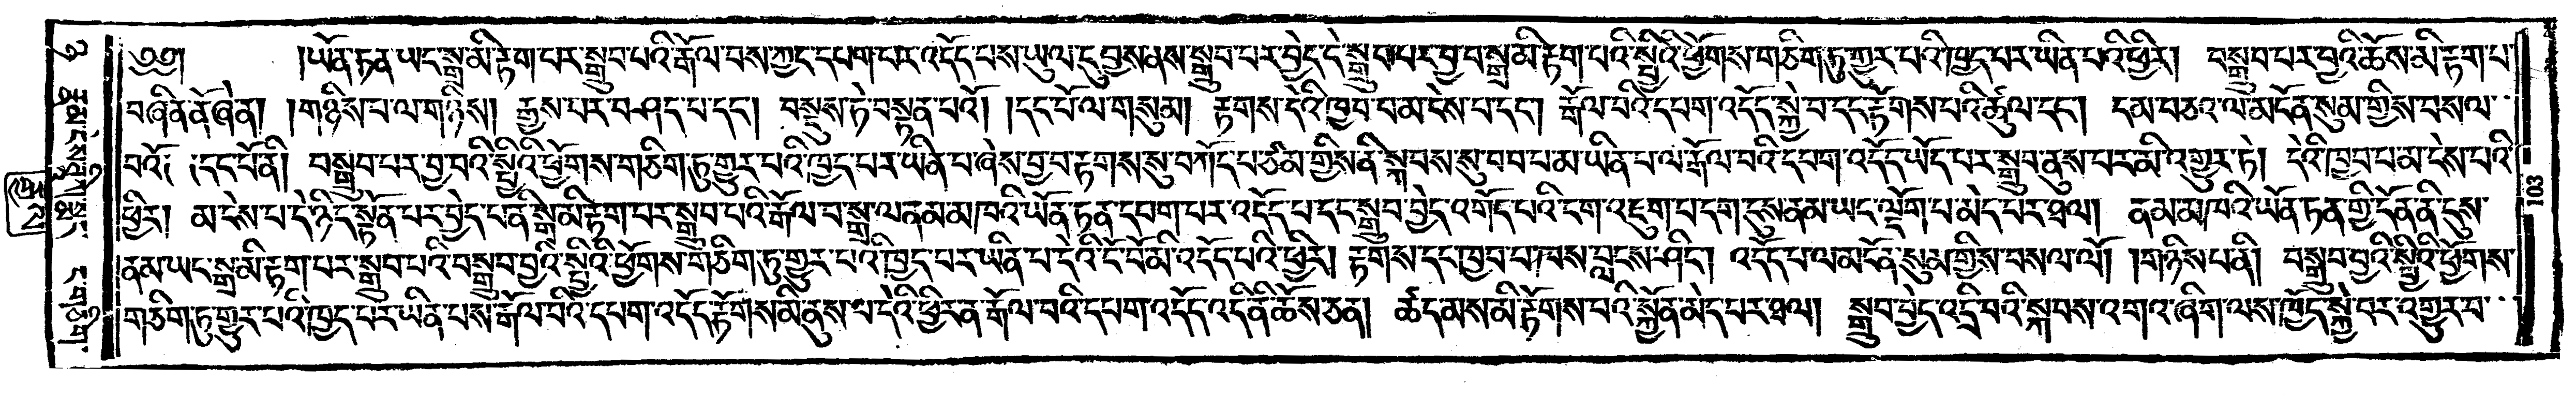༄༅། །ཡོན་ཏན་ཡང་སྒྲ་མི་རྟག་པར་སྒྲུབ་པའི་རྒོལ་བས་ཀྱང་དཔག་པར་འདོད་པས་ཡུལ་དུ་བྱས་ནས་སྒྲུབ་པར་བྱེད་དེ་སྒྲུབ་པར་བྱ་བ་སྒྲ་མི་རྟག་པའི་སྤྱིའི་ཕྱོགས་གཅིག་ཏུ་གྱུར་པའི་ཁྱད་པར་ཡིན་པའི་ཕྱིར། བསྒྲུབ་པར་བྱའི་ཆོས་མི་རྟག་པ་
བཞིན་ནོ་ཞེ་ན། །གཉིས་པ་ལ་གཉིས། རྒྱས་པར་བཤད་པ་དང་། བསྡུས་ཏེ་བསྟན་པའོ། །དང་པོ་ལ་གསུམ། རྟགས་དེའི་ཁྱབ་པ་མ་ངེས་པ་དང་། རྒོལ་བའི་དཔག་འདོད་སྐྱེ་བ་དང་རྟོགས་པའི་ཚུལ་དང་། དམ་བཅའ་ལ་མངོན་སུམ་གྱིས་བསལ་
བའོ༑ ༑དང་པོ་ནི། བསྒྲུབ་པར་བྱ་བའི་སྤྱིའི་ཕྱོགས་གཅིག་ཏུ་གྱུར་པའི་ཁྱད་པར་ཡིན་པ་ཞེས་བྱ་བ་རྟགས་སུ་བཀོད་པ་ཙམ་གྱིས་ནི་སྐབས་སུ་བབ་པ་མ་ཡིན་པ་ལ་རྒོལ་བའི་དཔག་འདོད་ཡོད་པར་སྒྲུབ་ནུས་པར་མི་འགྱུར་ཏེ། དེའི་ཁྱབ་པ་མ་ངེས་པའི་
ཕྱིར། མ་ངེས་པ་དེ་ཉིད་སྟོན་པར་བྱེད་པ་ནི་སྒྲ་མི་རྟག་པར་སྒྲུབ་པའི་རྒོལ་བ་སྒྲ་ལ་ནམ་མཁའི་ཡོན་ཏན་དཔག་པར་འདོད་པ་དང་སྒྲུབ་བྱེད་འགོད་པའི་ངག་འཇུག་པ་དག་དུ་ནམ་ཡང་ལྡོག་པ་མེད་པར་ཐལ། ནམ་མཁའི་ཡོན་ཏན་གྱི་དོན་ནི་དུས་
ནམ་ཡང་སྒྲ་མི་རྟག་པར་སྒྲུབ་པའི་བསྒྲུབ་བྱའི་སྤྱིའི་ཕྱོགས་གཅིག་ཏུ་གྱུར་པའི་ཁྱད་པར་ཡིན་པ་དེའི་ངོ་བོ་མི་འདོད་པའི་ཕྱིར། རྟགས་དང་ཁྱབ་པ་ཁས་བླངས་ཤིང་། འདོད་པ་ལ་མངོན་སུམ་གྱིས་བསལ་ལོ། །གཉིས་པ་ནི། བསྒྲུབ་བྱའི་སྤྱིའི་ཕྱོགས་
གཅིག་ཏུ་གྱུར་པའི་ཁྱད་པར་ཡིན་པས་རྒོལ་པའི་དཔག་འདོད་རྟོགས་མི་ནུས་པ་དེའི་ཕྱིར་ན་རྒོལ་པའི་དཔག་འདོད་འདི་ནི་ཆོས་ཅན། ཚད་མས་མི་རྟོགས་པའི་སྐྱོན་མེད་པར་ཐལ། སྒྲུབ་བྱེད་འདྲི་བའི་སྐབས་འགའ་ཞིག་ལས་ཁྱོད་སྐྱེ་བར་འགྱུར་བ་